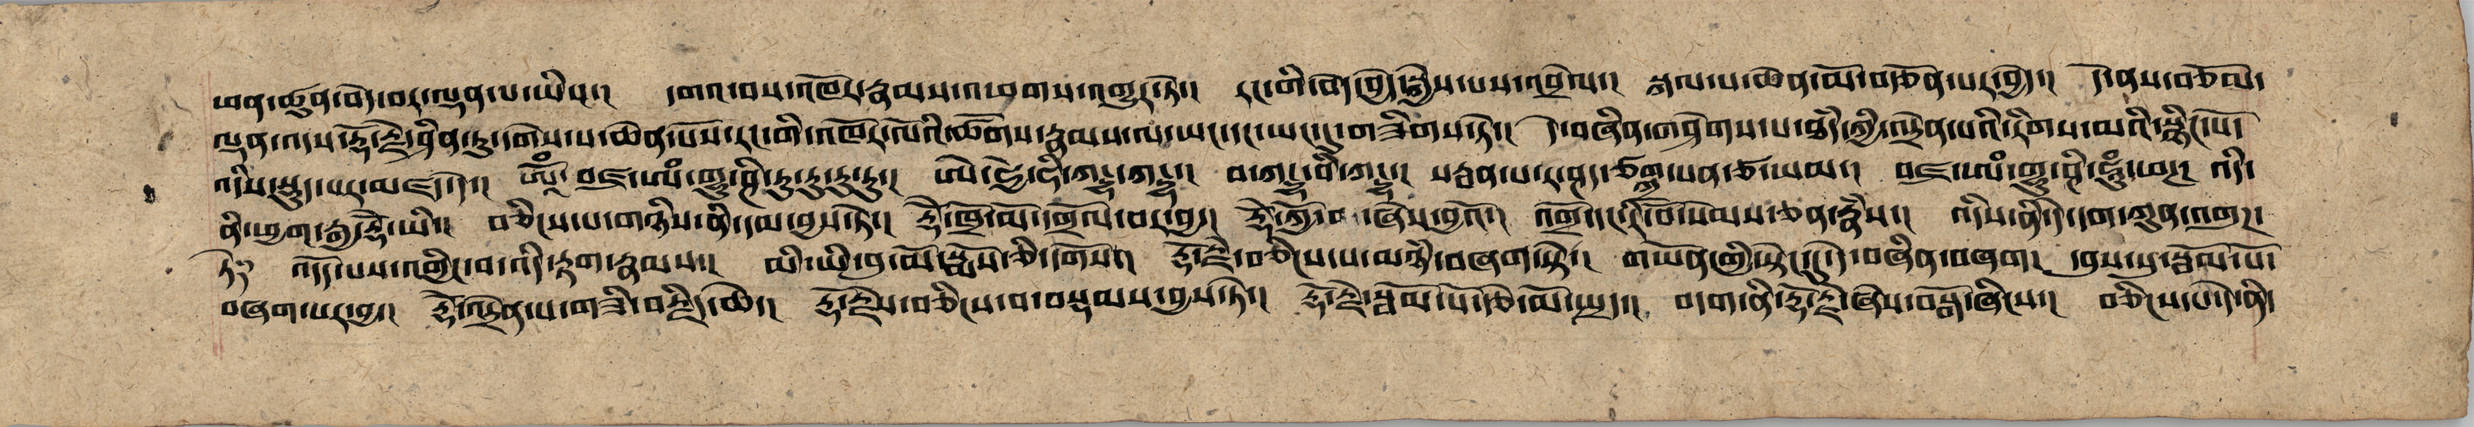ཕན་ཚུན་བདེ་བར་ལྡན་པ་ཡིས་། དགའ་བས་འཁོར་རྣམས་འཕགས་འགྱུར་ཏེ་། རང་གི་བདེ་བྱེད་སྐྱེས་པས་འབྲེལ་། སྐལ་པ་ཆེན་མོ་བརྩོན་པར་བྱེད་། དེ་ནས་བཅོམ་
ལྡན་འདས་རྡོ་རྗེ་ཤིན་ཏུ་དགེས་པ་ཆེན་པོས་རང་གི་འཁོར་ལོའི་ཚོགས་རྣམས་ལ་ཡང་དང་ཡང་དུ་གཟིགས་ཏེ་། དེ་བཞིན་གཤེགས་པ་ཐདཾ་ཀྱི་འདྲེན་པའི་རིགས་མའི་སྙིང་པོ་
འདིས་སྡུད་པར་མཛད་དེ་། ཨཱོཾ་བཛྲ་ཨཾ་གྷུ་ཤི་ཏུ་ཏུ་ཏུ་ཏུ་། ཨེ་ཧྱེ་ཧི་ཀངྡྷ་ཀངྡྷ་། བ་ཀངྡྷ་བི་ཀངྡྷ་། སརྦན་པ་ར་ཤད་ཙགྐ་པན་ཙ་ཡམ་། བཛྲ་ཨཾ་གྷུ་ཤྚི་ཧཱུཾ་ཕཊ། འདི་
ནི་ཕྱག་རྒྱ་རྡོེ་ཡི་། བཅིངས་པ་གཉིས་ནི་དམ་བྱས་ཏེ་། རྡོེ་ཁྲོ་མོ་དགྲོལ་བར་བྱ་། རྡོེ་ཀྱོ་མ་ཞེས་བྱའོ་། འགྲོ་དང་རི་བོ་སེམས་ཅན་རྣཾས་། འདིས་ནི་དེ་དག་ཀུན་འགུཌ་
ཏེ༑ འདོད་པས་འགྱིང་བ་འདི་རྟག་རྣམས་། མི་ཡི་བུ་མོ་སྨོས་ཅི་དགོས་། རྡོ་རྗེ་བཅིངས་པ་མཉཾ་བཞག་སྟེ་། གཡོན་གྱི་སྟེང་དུ་དེ་བཞིན་བཞག། དབུས་སུ་སྦོམ་པོ་
བཞག་པར་བྱ་། རྡོེ་འདྲེན་པ་གཟི་བརྗིད་ཆེ་། རྡོ་རྗེས་བཅིངས་བ་བསྡམས་བྱས་ཏེ་། རྡོ་རྗེ་སྦོམ་པོ་རྩེ་མོ་སྤྲད་། བདག་ནི་རྡོ་རྗེ་ཞེས་བསྒོ་ཞིངས་། བཅིངས་པ་དེ་ནི་